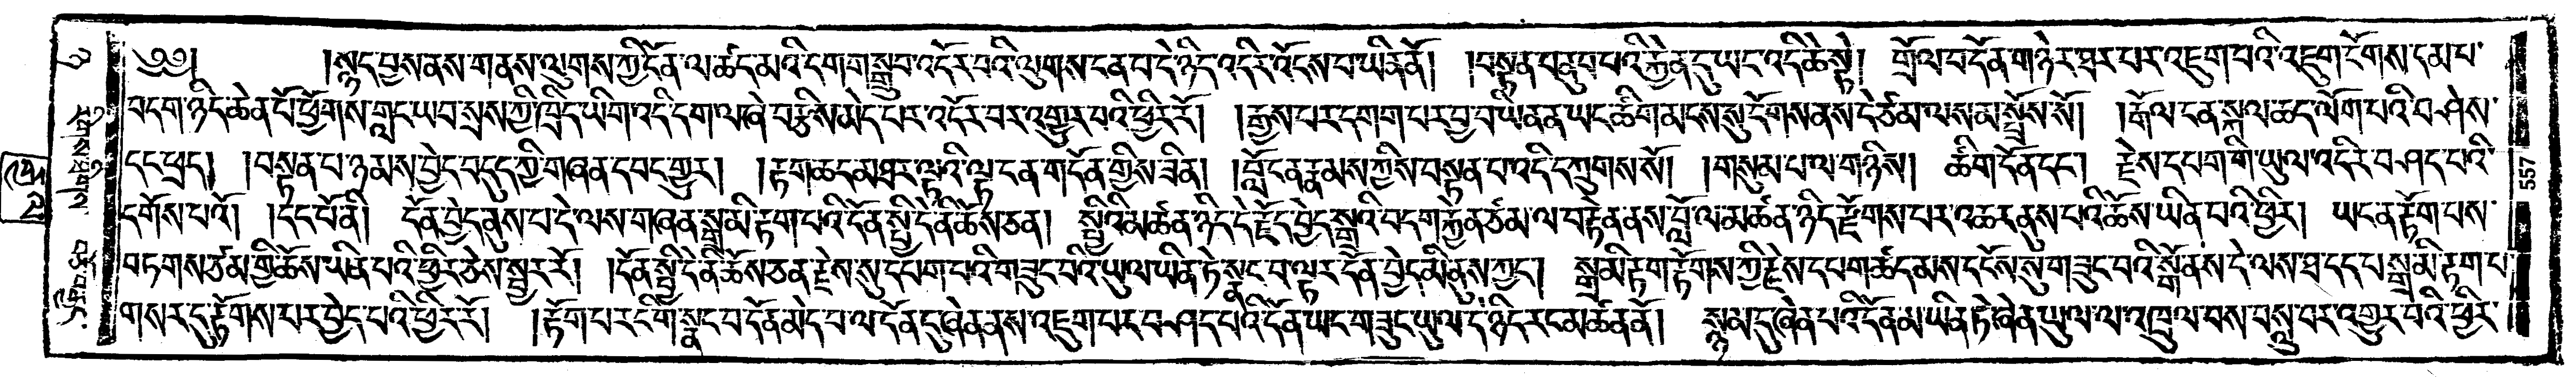༄༅། །སྙད་བྱས་ནས་གནས་ལུགས་ཀྱི་དོན་ལ་ཚད་མའི་དགག་སྒྲུབ་འདོར་བའི་ལུགས་ངན་པ་དེ་ཉིད་འདིར་འོངས་པ་ཡིན་ནོ། །བསྟན་པ་ནུབ་པའི་རྐྱེན་དུ་ཡང་འདི་ཆེ་སྟེ། གྲོལ་བ་དོན་གཉེར་ཐར་པར་འཇུག་པའི་འཇུག་དོགས་དམ་པ་
བདག་ཉིད་ཆེན་པོ་ཕྱོགས་གླང་ཡབ་སྲས་ཀྱི་ཁྲིད་ཡིག་འདི་དག་ལ་ཞེ་བརྩིས་མེད་པར་འདོར་བར་འགྱུར་བའི་ཕྱིར་རོ། །རྒྱས་པར་དགག་པར་བྱ་བ་ཡིན་ན་ཡང་ཚིག་མངས་སུ་དོགས་ནས་དེ་ཙམ་ལས་མ་སྤྲོས་སོ། །རྒོལ་ངན་སྐལ་ཆད་ལོག་པའི་བཤེས་
དང་ཕྲད། །བསྟན་པ་ཉམས་བྱེད་བདུད་ཀྱི་གཞན་དབང་གྱུར། །རྟག་ཆད་མཐར་ལྷའི་ལྟ་ངན་གདོན་གྱིས་ཟིན། །བློ་ངན་རྣམས་ཀྱིས་བསྟན་པ་འདི་དཀྲུགས་སོ། །གསུམ་པ་ལ་གཉིས། ཚིག་དོན་དང་། རྗེས་དཔག་གི་ཡུལ་འདིར་བཤད་པའི་
དགོས་པའོ། །དང་པོ་ནི། དོན་བྱེད་ནུས་པ་དེ་ལས་གཞན་སྒྲ་མི་རྟག་པའི་དོན་སྤྱི་དེ་ནི་ཆོས་ཅན། སྤྱིའི་མཚན་ཉིད་དེ་རྗོད་བྱེད་སྒྲའི་བདག་རྐྱེན་ཙམ་ལ་བརྟེན་ནས་བློ་ལ་མཚན་ཉིད་རྫོགས་པར་འཆར་ནུས་པའི་ཆོས་ཡིན་པའི་ཕྱིར། ཡང་ན་རྟོགས་པས་
བཏགས་ཙམ་གྱི་ཆོས་ཡིན་པའི་ཕྱིར་ཅེས་སྦྱར་རོ། །དོན་སྤྱི་དེ་ནི་ཆོས་ཅན་རྗེས་སུ་དཔག་པའི་གཟུང་བའི་ཡུལ་ཡིན་ཏེ་སྣང་བ་ལྟར་དོན་བྱེད་མི་ནུས་ཀྱང་། སྒྲ་མི་རྟག་རྟོགས་ཀྱི་རྗེས་དཔག་ཚད་མས་དངོས་སུ་གཟུང་བའི་སྒོ་ནས་དེ་ལས་ཐ་དད་པ་སྒྲ་མི་རྟག་པ་
གསར་དུ་རྟོགས་པར་བྱེད་པའི་ཕྱིར་རོ། །རྟོག་པ་རང་གི་སྣང་བ་དོན་མེད་པ་ལ་དོན་དུ་ཞེན་ནས་འཇུག་པར་བཤད་པའི་དོན་ཡང་གཟུང་ཡུལ་དེ་ཉིད་རང་མཚན་ནོ། སྙམ་དུ་ཞེན་པའི་དོན་མ་ཡིན་ཏེ་ཞེན་ཡུལ་ལ་འཁྲུལ་བས་བསླུ་བར་འགྱུར་བའི་ཕྱིར་